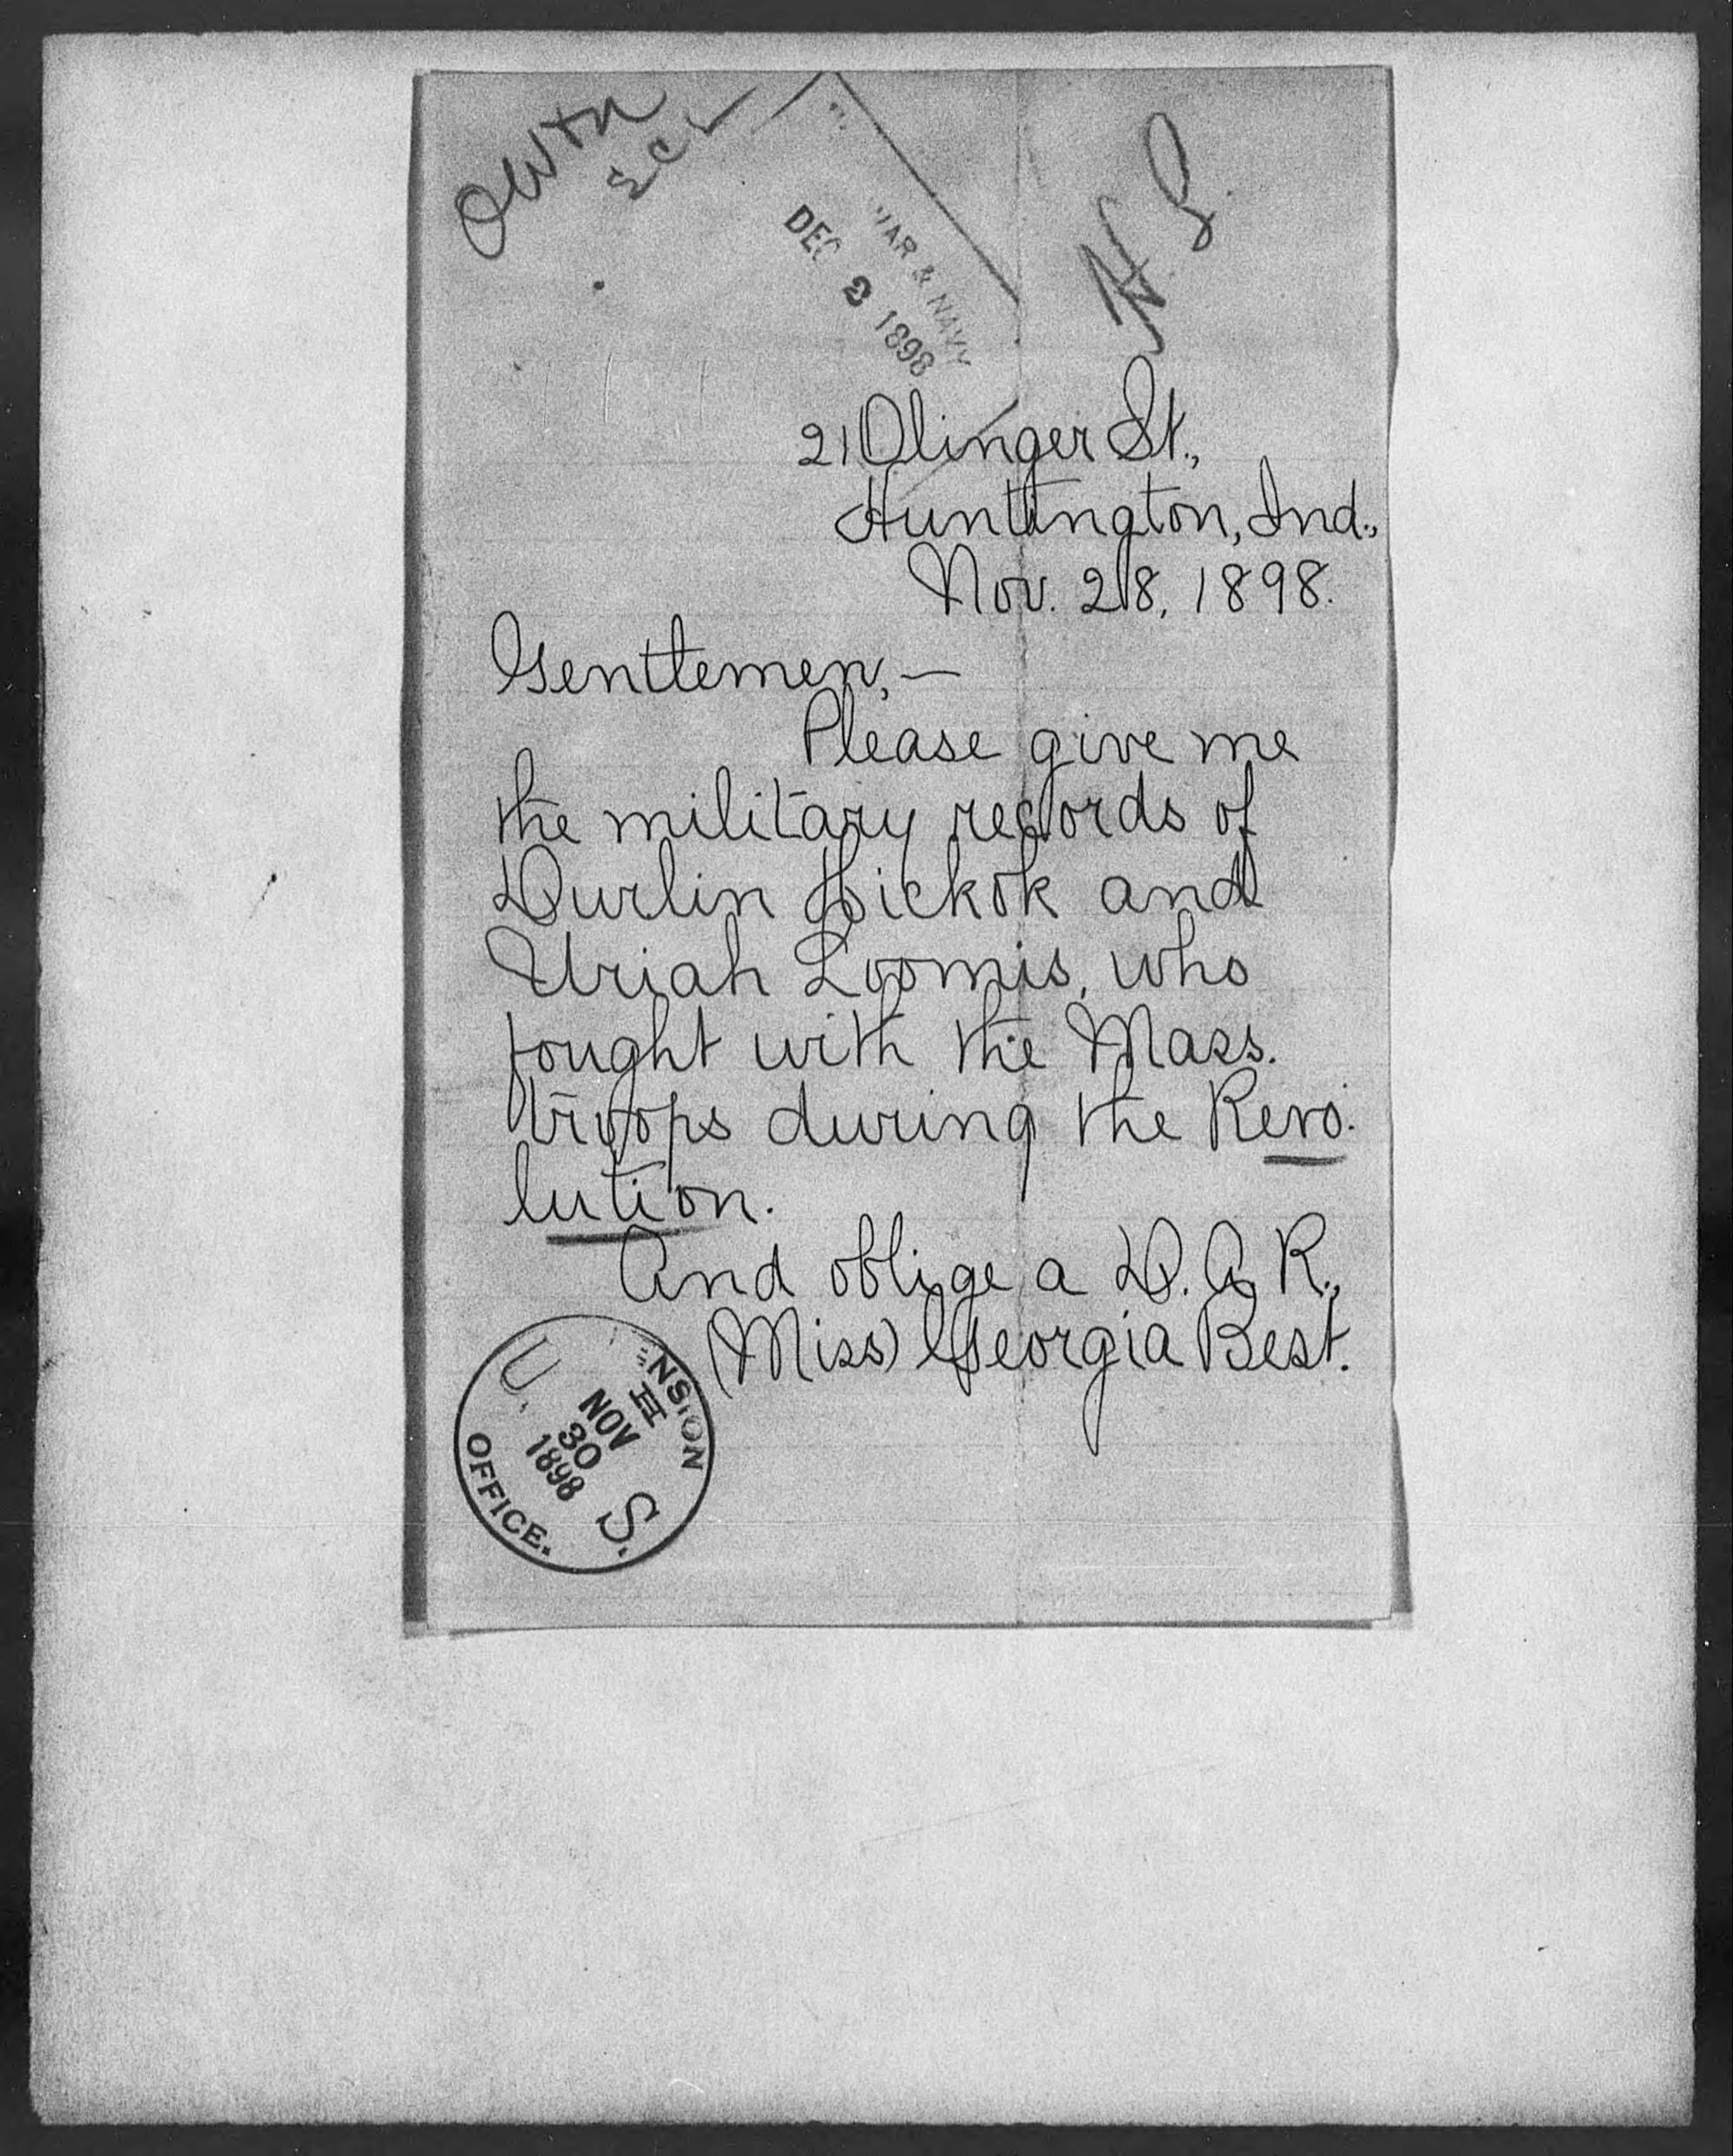[Handwritten in different handwriting at top of document] owtn ECL H.S.
[Stamp at top of document] WAR & NAVY DEC 2 1898
[handwritten] 21 Olinger St.,
Huntington, Ind.,
Nov. 28, 1899.
Gentlemen,-
Please give me the military records of Durlin Hickok and Uriah Loomis, who fought with the Mass. troops during the [underlined in thicker ink/pencil] Revolution.
And oblige a D. A. R.
(Miss) Georgia Best.
[stamp at bottom of document] U.S. PENSION OFFICE
H NOV 30 1898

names: Georgia Best, Uriah Loomis, Durlin Hickok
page: 41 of 45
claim: widow's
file: W. 4988, Durlin Hickok, Mass.